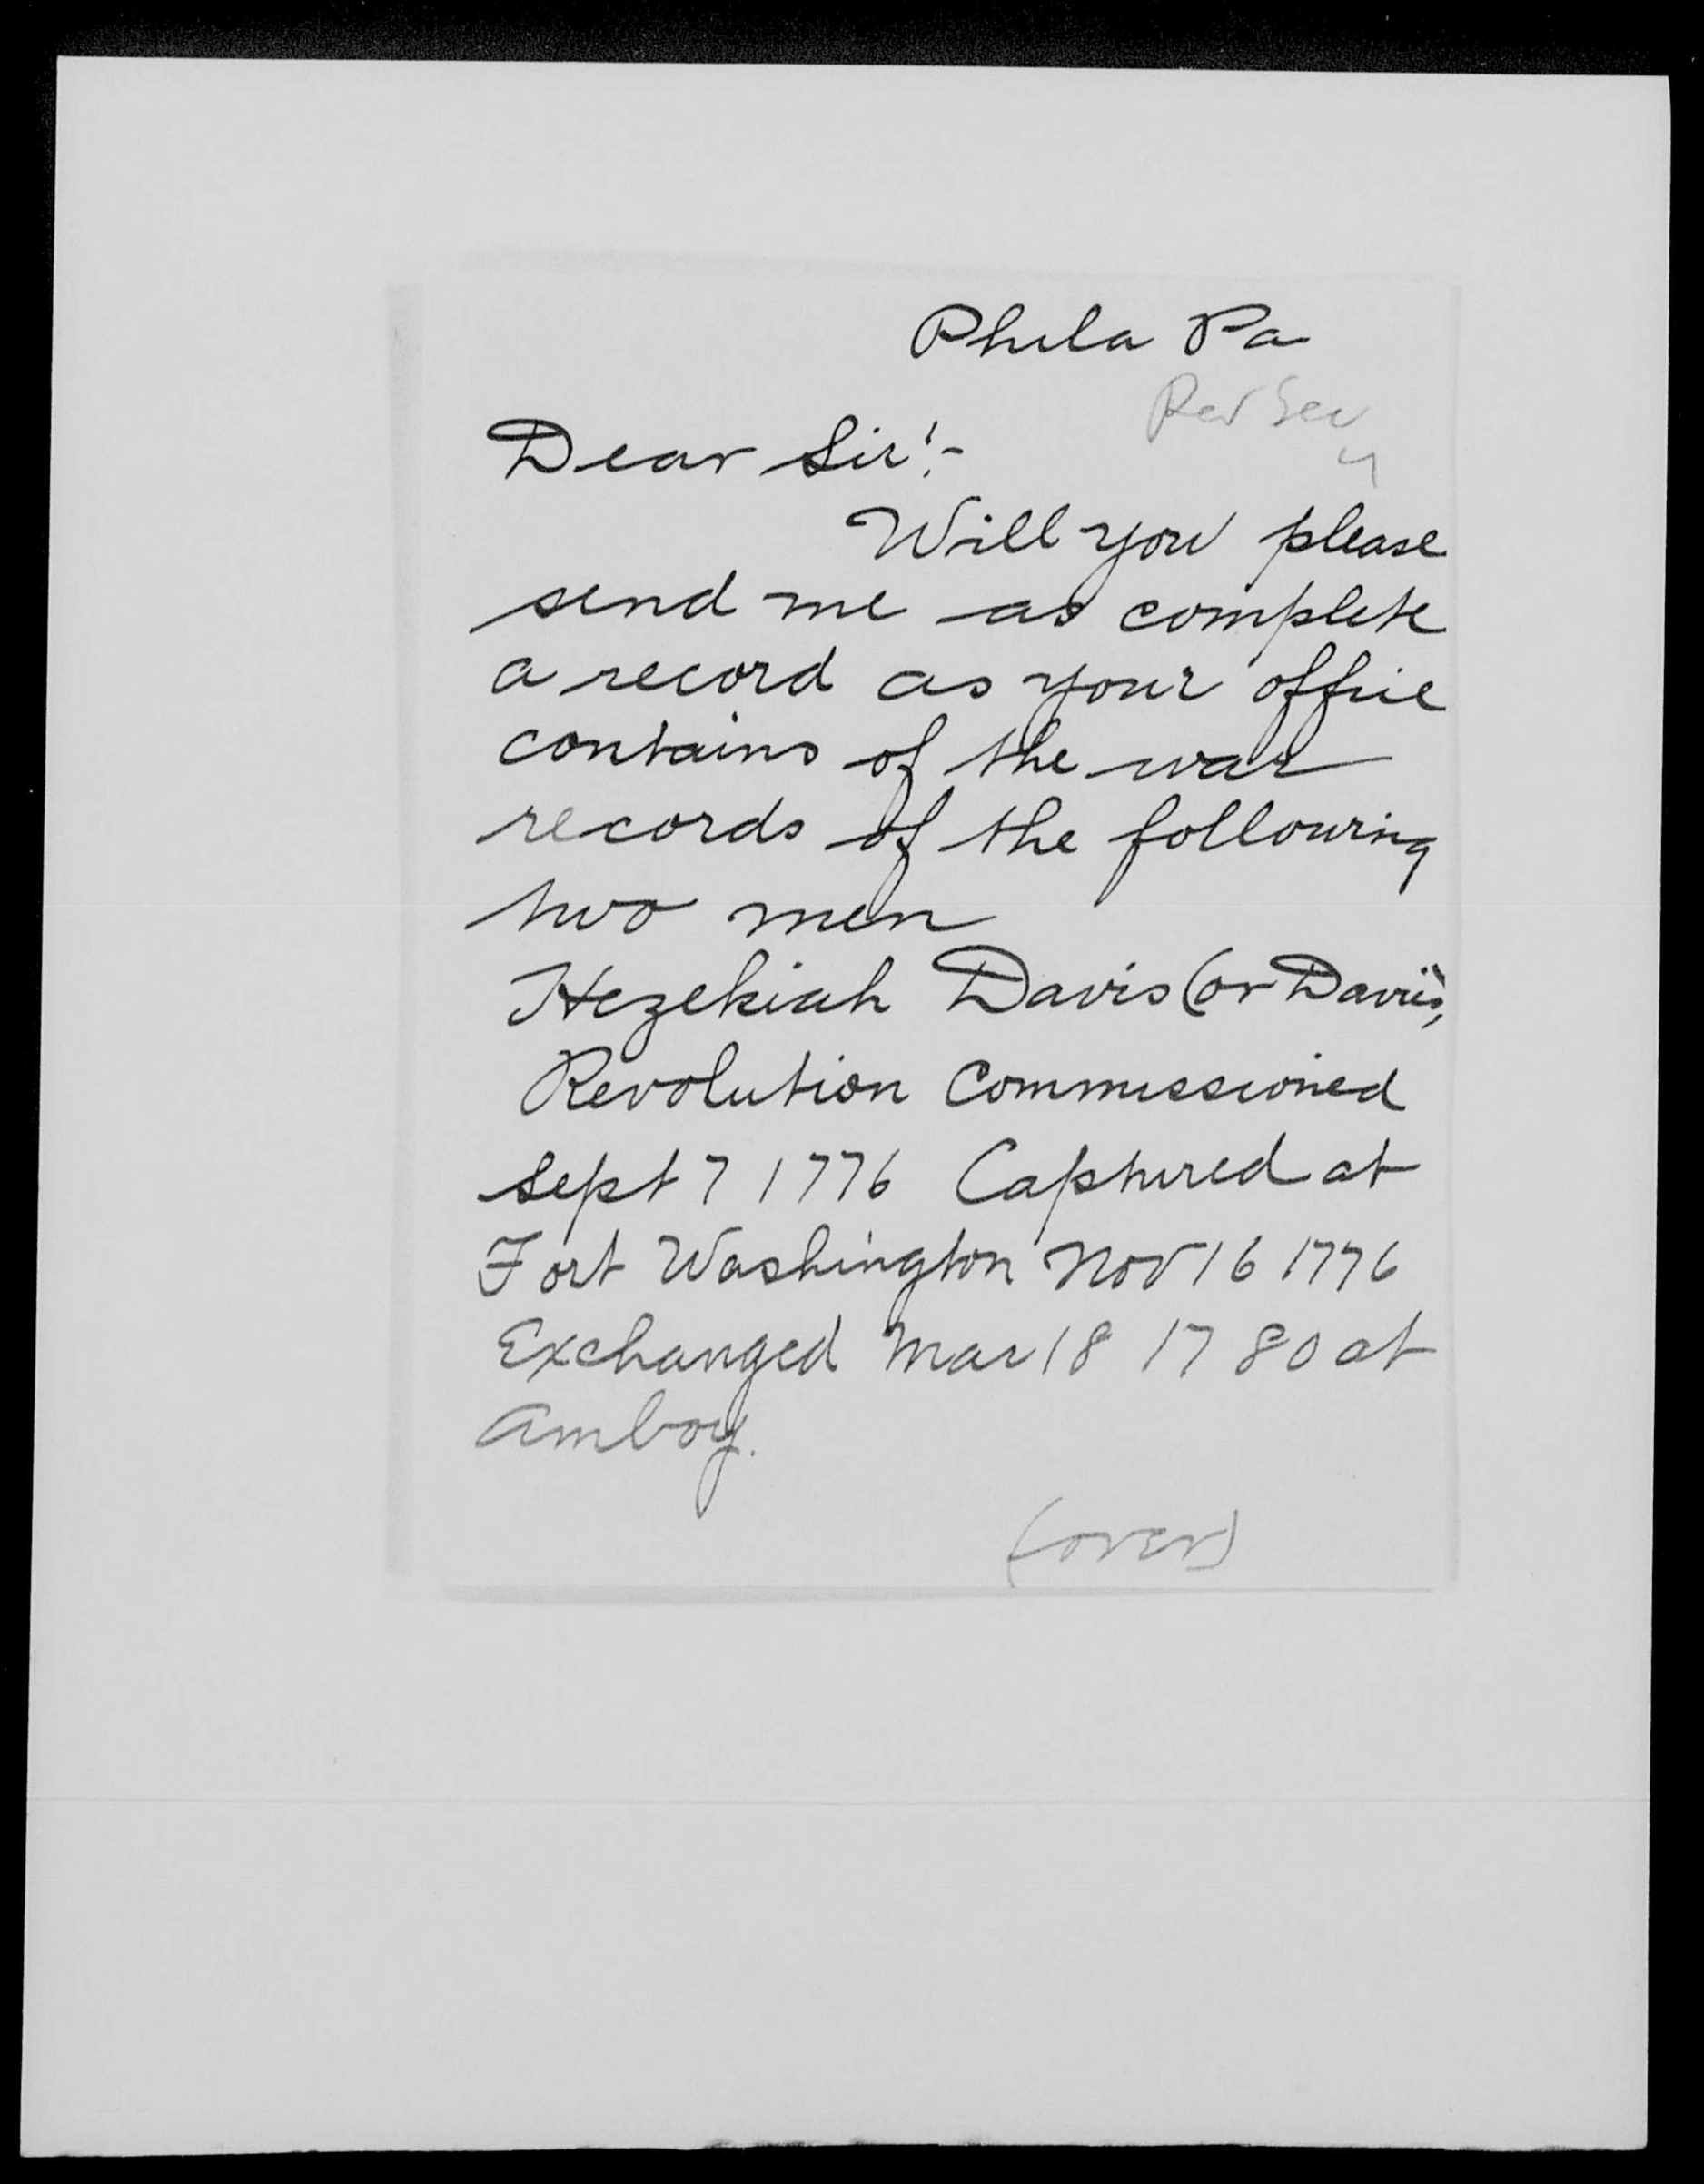Phila Pa
Per Sec 4

Dear Sir:
Will you please send me as complete a record as your office contains of the war records of the following two men
Hexekiah Davis (or Davies)
Revolution Commissoined Sept 7 1776 Captured at Fort Washington Nov 16 1776 Exchanged Mar 18 17 80 at Amboy.
(over)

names: Hezekiah Davies, Hezekiah Davis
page: 36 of 57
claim: survivor's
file: S. 2161, Hezekiah Davies, Penn